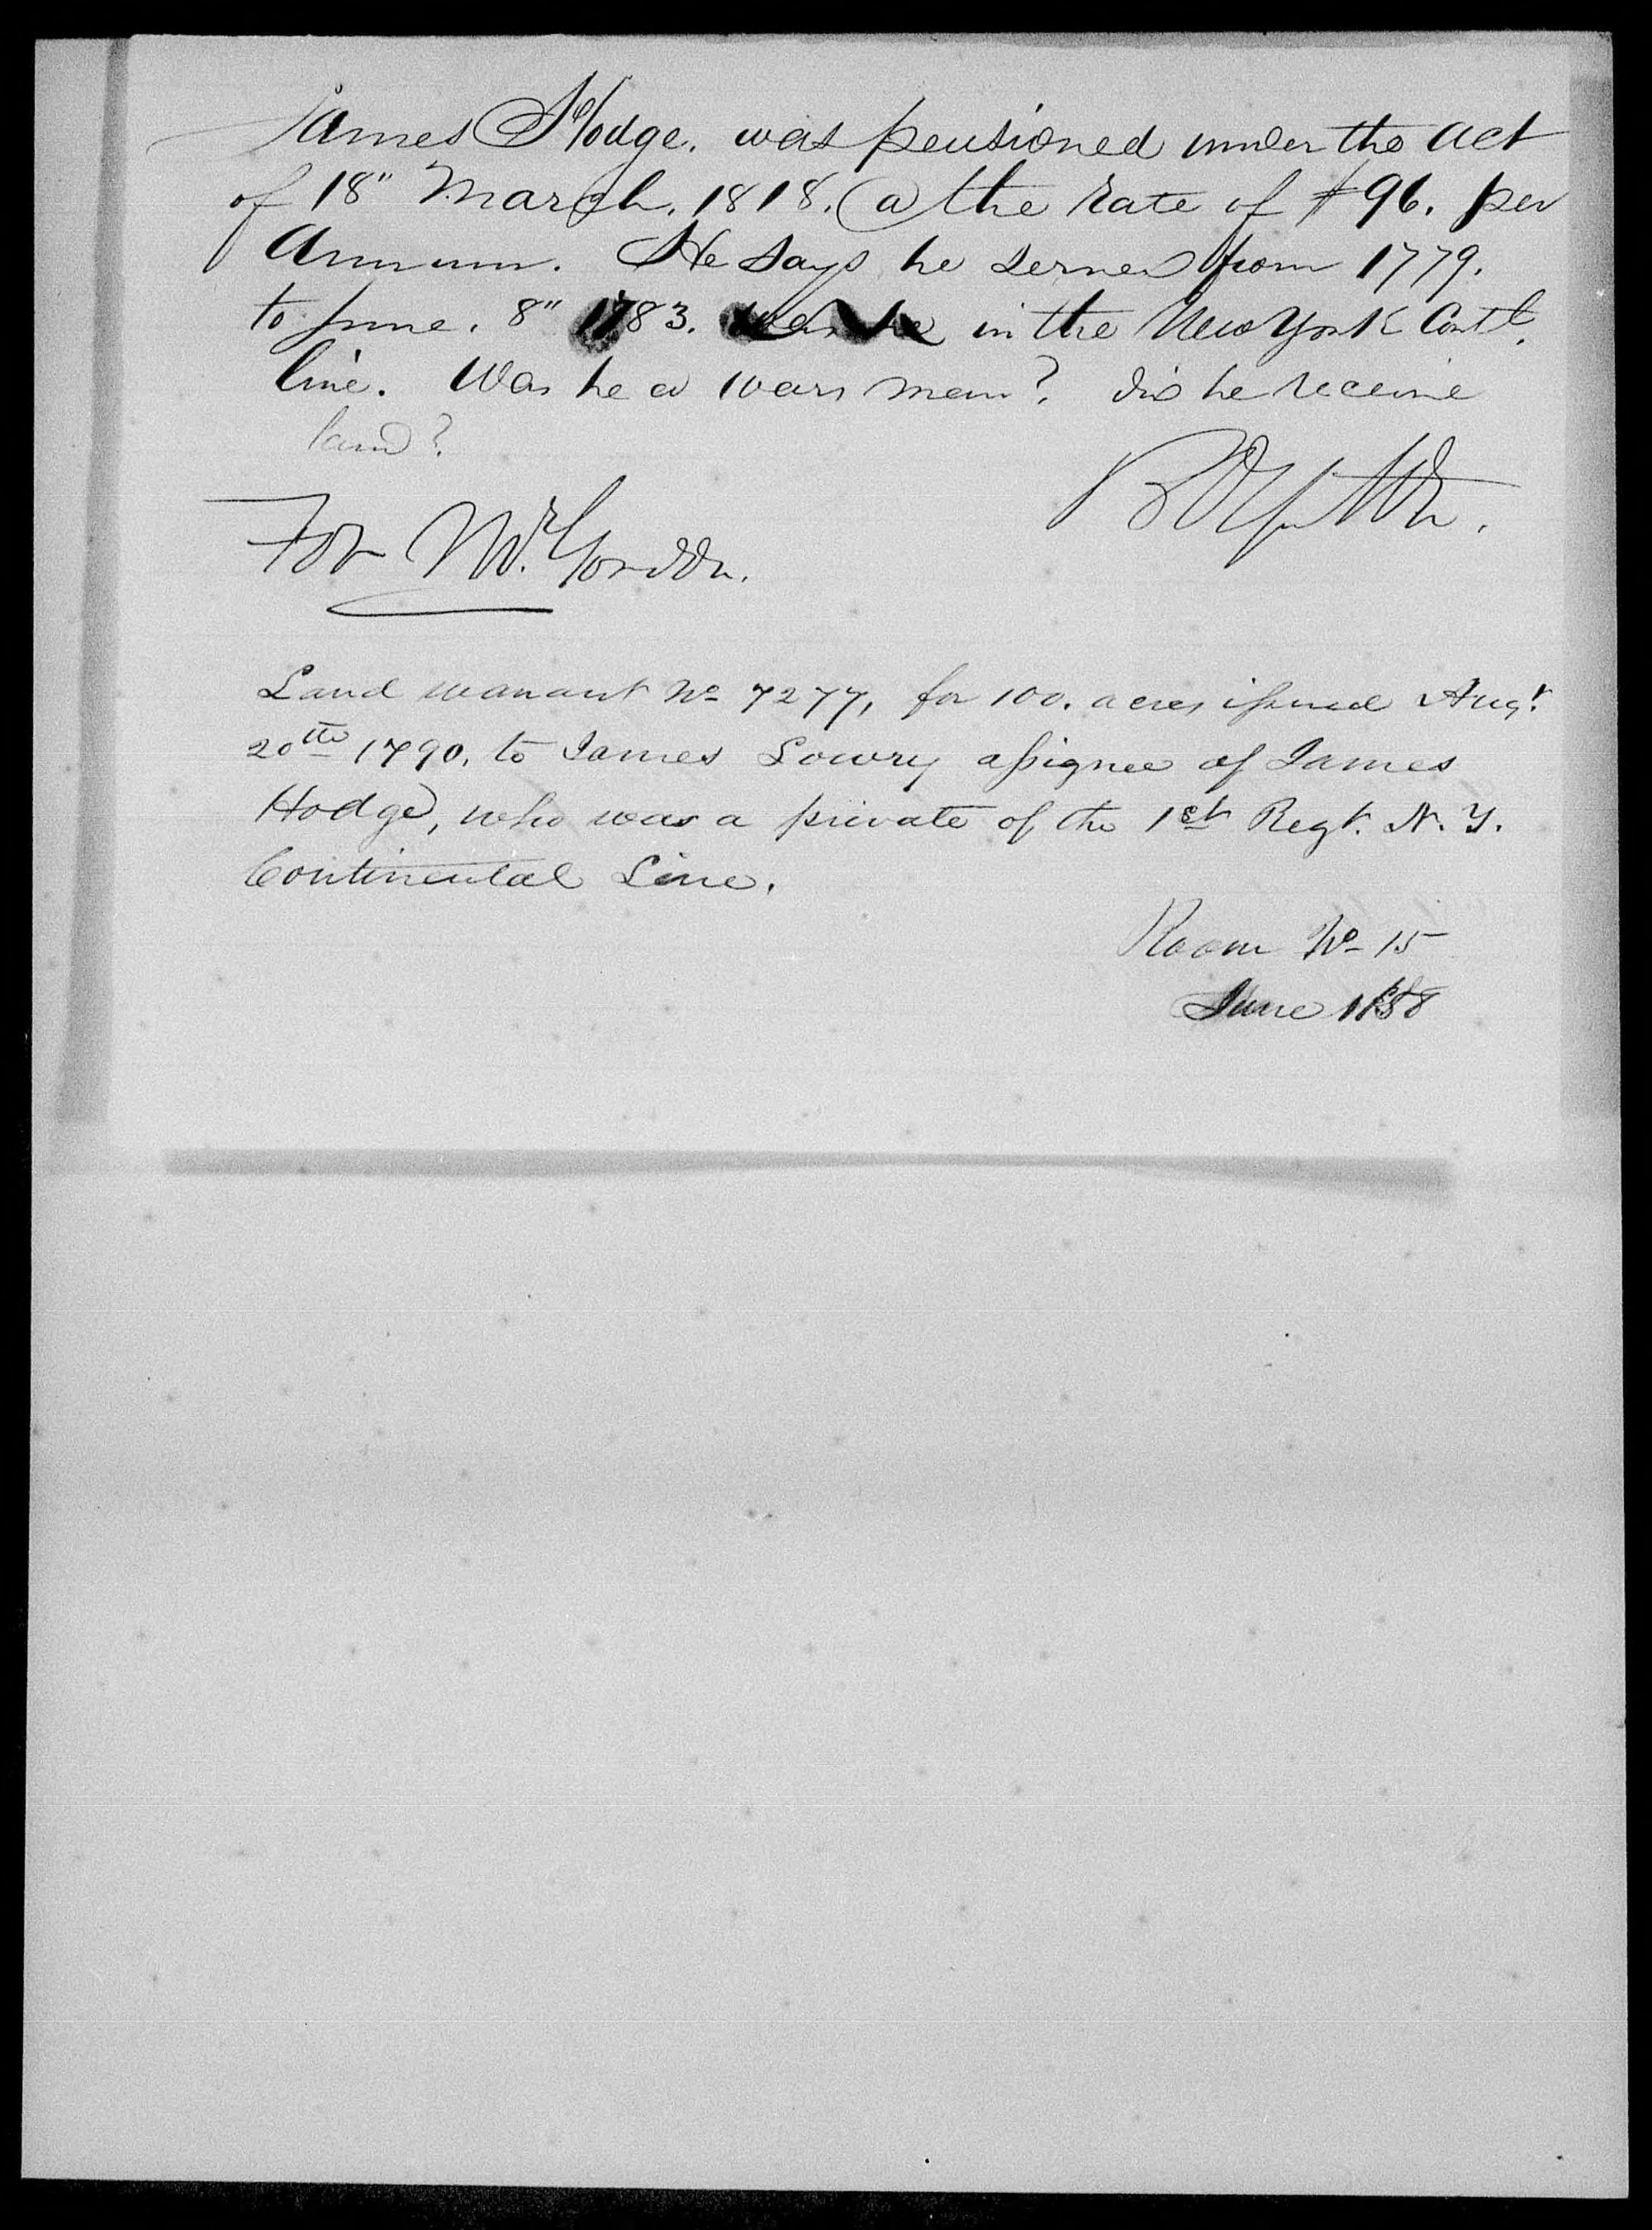James Hodge. was pensioned under the act
of 18 March. 1881. @ the rate of #96. Per
annum. He says he served from 1779.
To June. 8 1783. Was he in the New York Cont
Line. Was he a [illegible]? Did he receive 
Land?
	[illegible]
For W. Gordon.
Land warrant no 7277, for 100. Acres issued Aug
20th 1790, to James Lowry assignee of James
Hodge, who was a private of the 1st Regt. N.Y.
Continental Line.
[illegible] no 15
June 1858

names: James Hodge, James Lowry, Boynton, W Gordon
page: 17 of 48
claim: widow's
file: W. 10476, James Hodge, New York